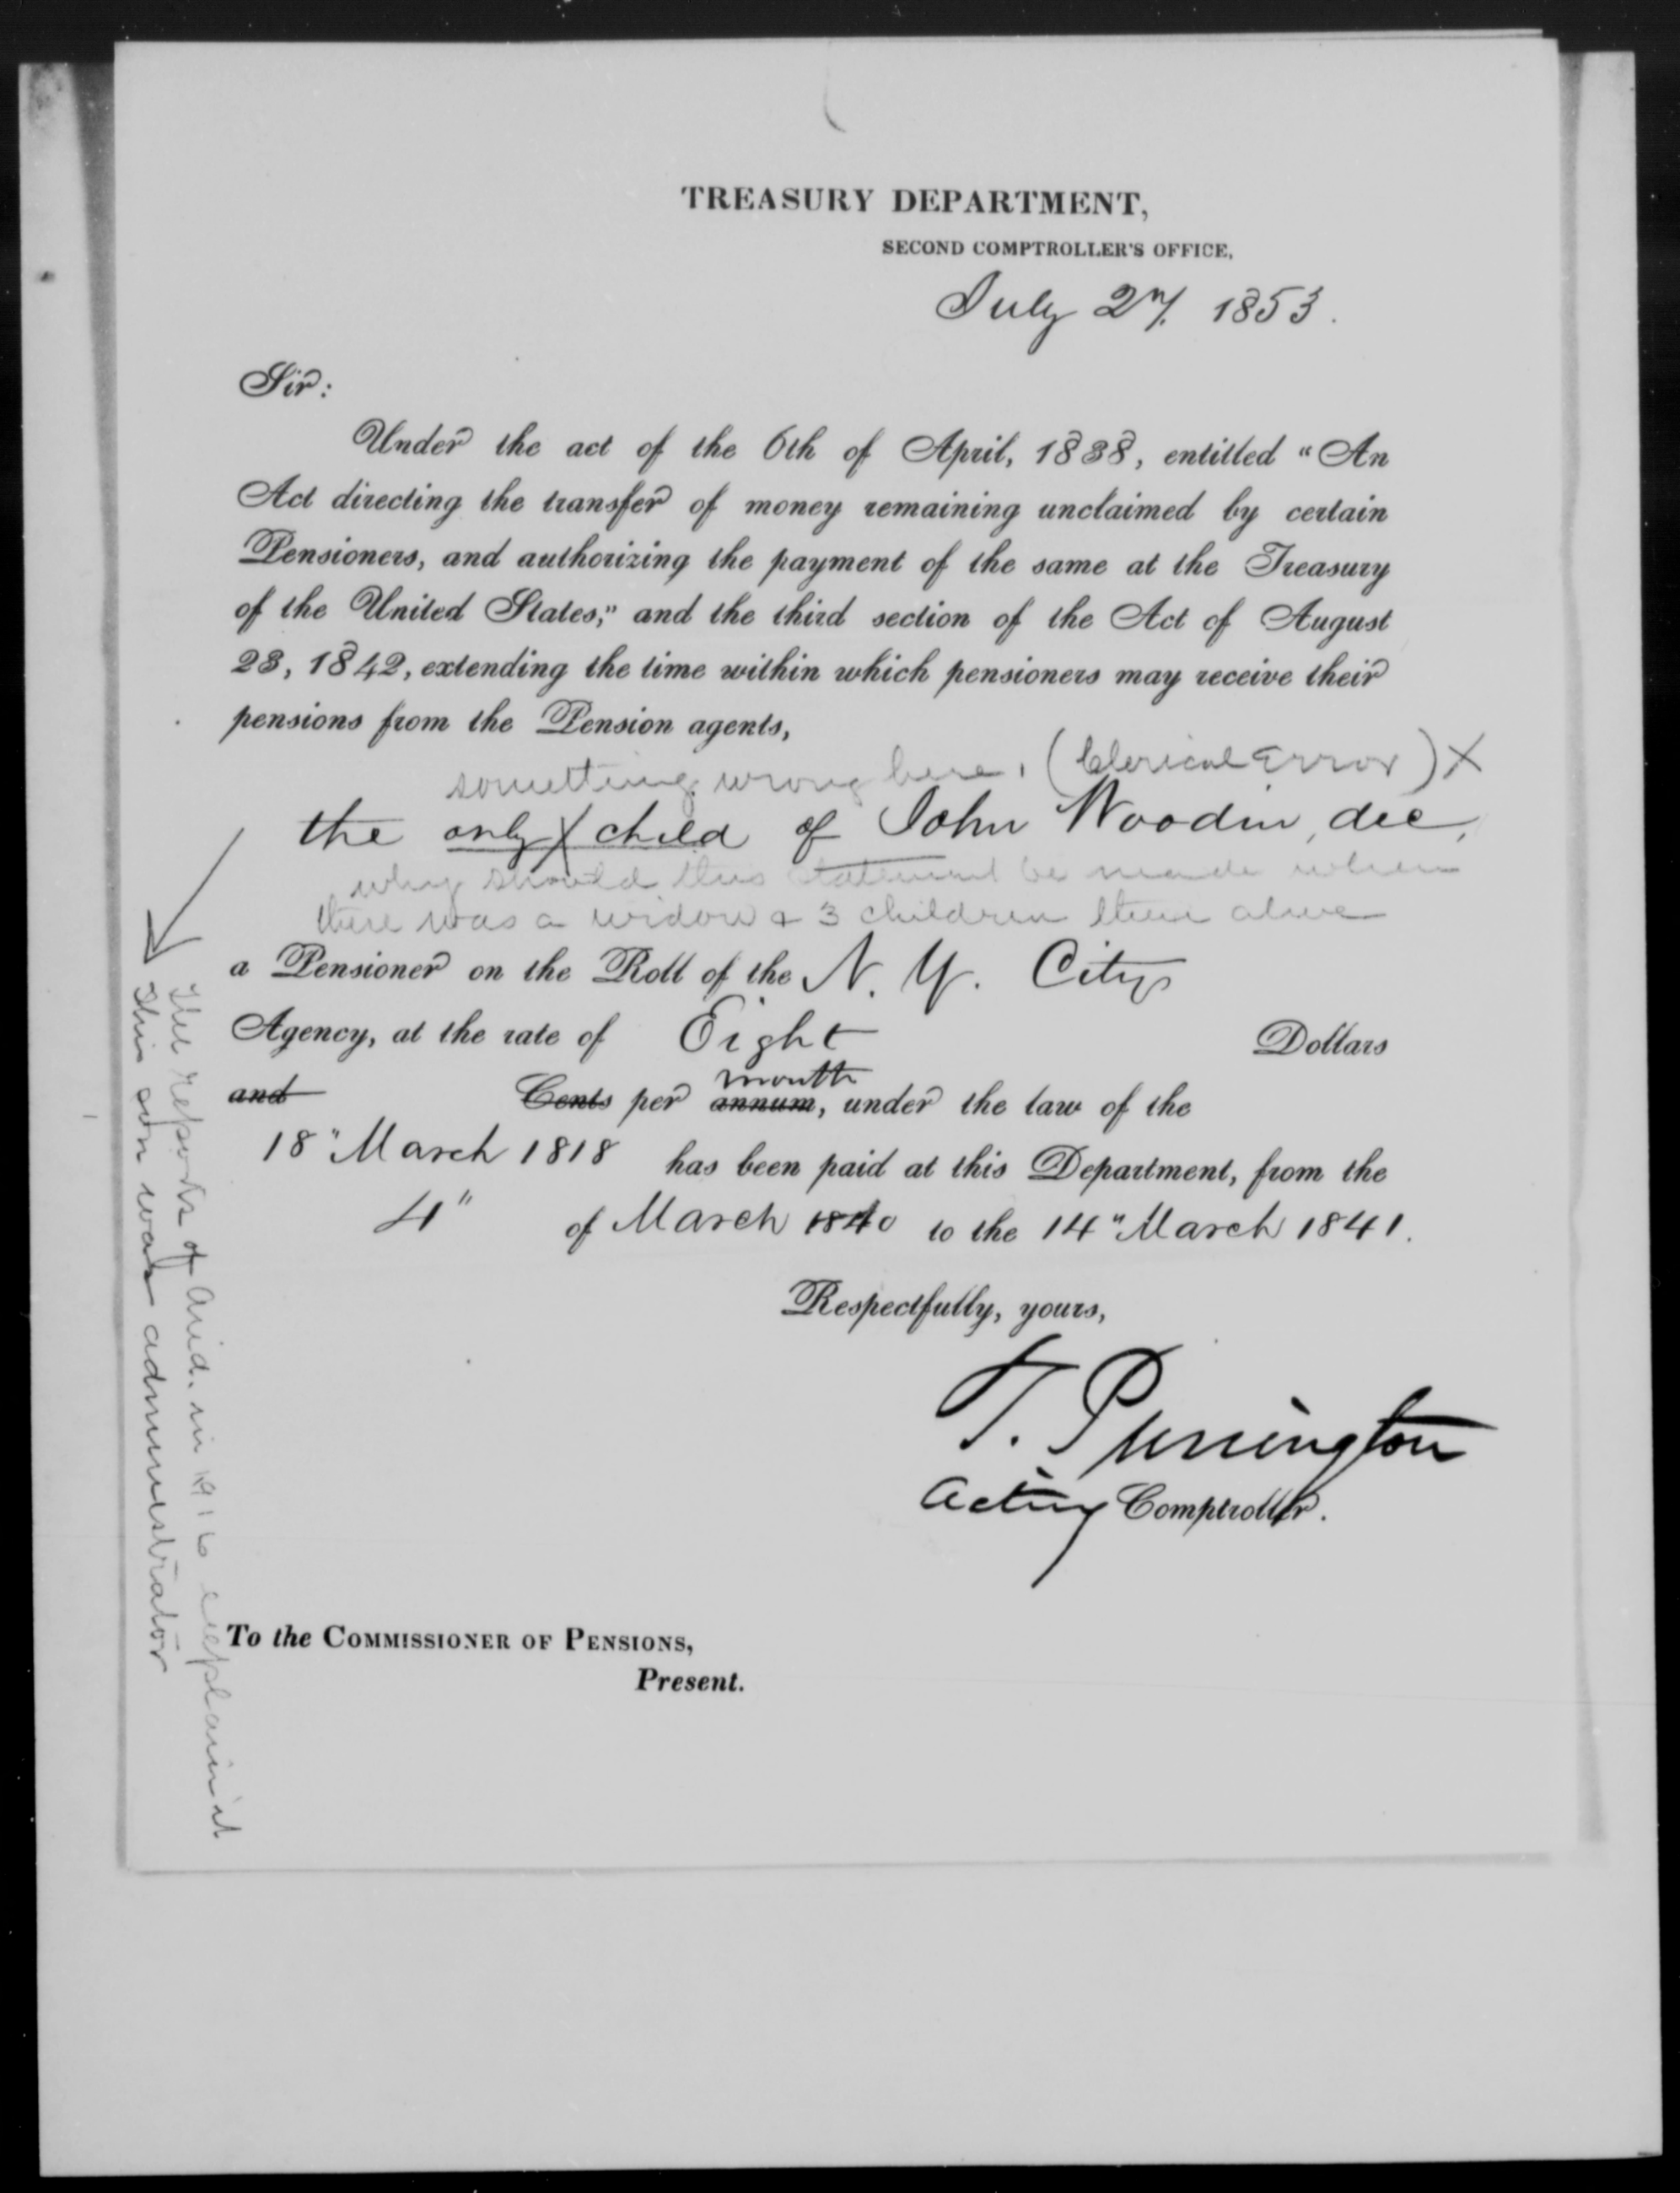TREASURY DEPARTMENT. 
SECOND COMPTROLLER'S OFFICE. 
July 27 1853 
Sir:
Under the act of the 6th of April, 1838, entitled "An Act directing the transfer of money remaining unclaimed by certain Pensioners, and authorizing the payment of the same at the Treasury of the United States,” and the third section of the Act of August 23, 1842, extending the time within which pensioners may receive their pensions from the Pension agents,
the only [INSERTED COMMENT: something wrong here, (Clerical error) why should this statement be made when there was a widow & 3 children then alive  The reports of Arid in 1916 explained this son was administrator] child of John Woodin, dec. a Pensioner on the Roll of the N. Y. City Agency, at the rate of Eight Dollars [and Cents, crossed out] per month under the law of the 18 March 1818 has been paid at this Department, from the 4" of March 1840 to the 14" March 1841. 
Respectfully, yours 
G. Purrington 
Acting Comptroller.

To the COMMISSIONER OF PENSIONS, Present.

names: T Purrington, John Woodin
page: 61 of 77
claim: widow's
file: W. 19658, John Woodin, New York